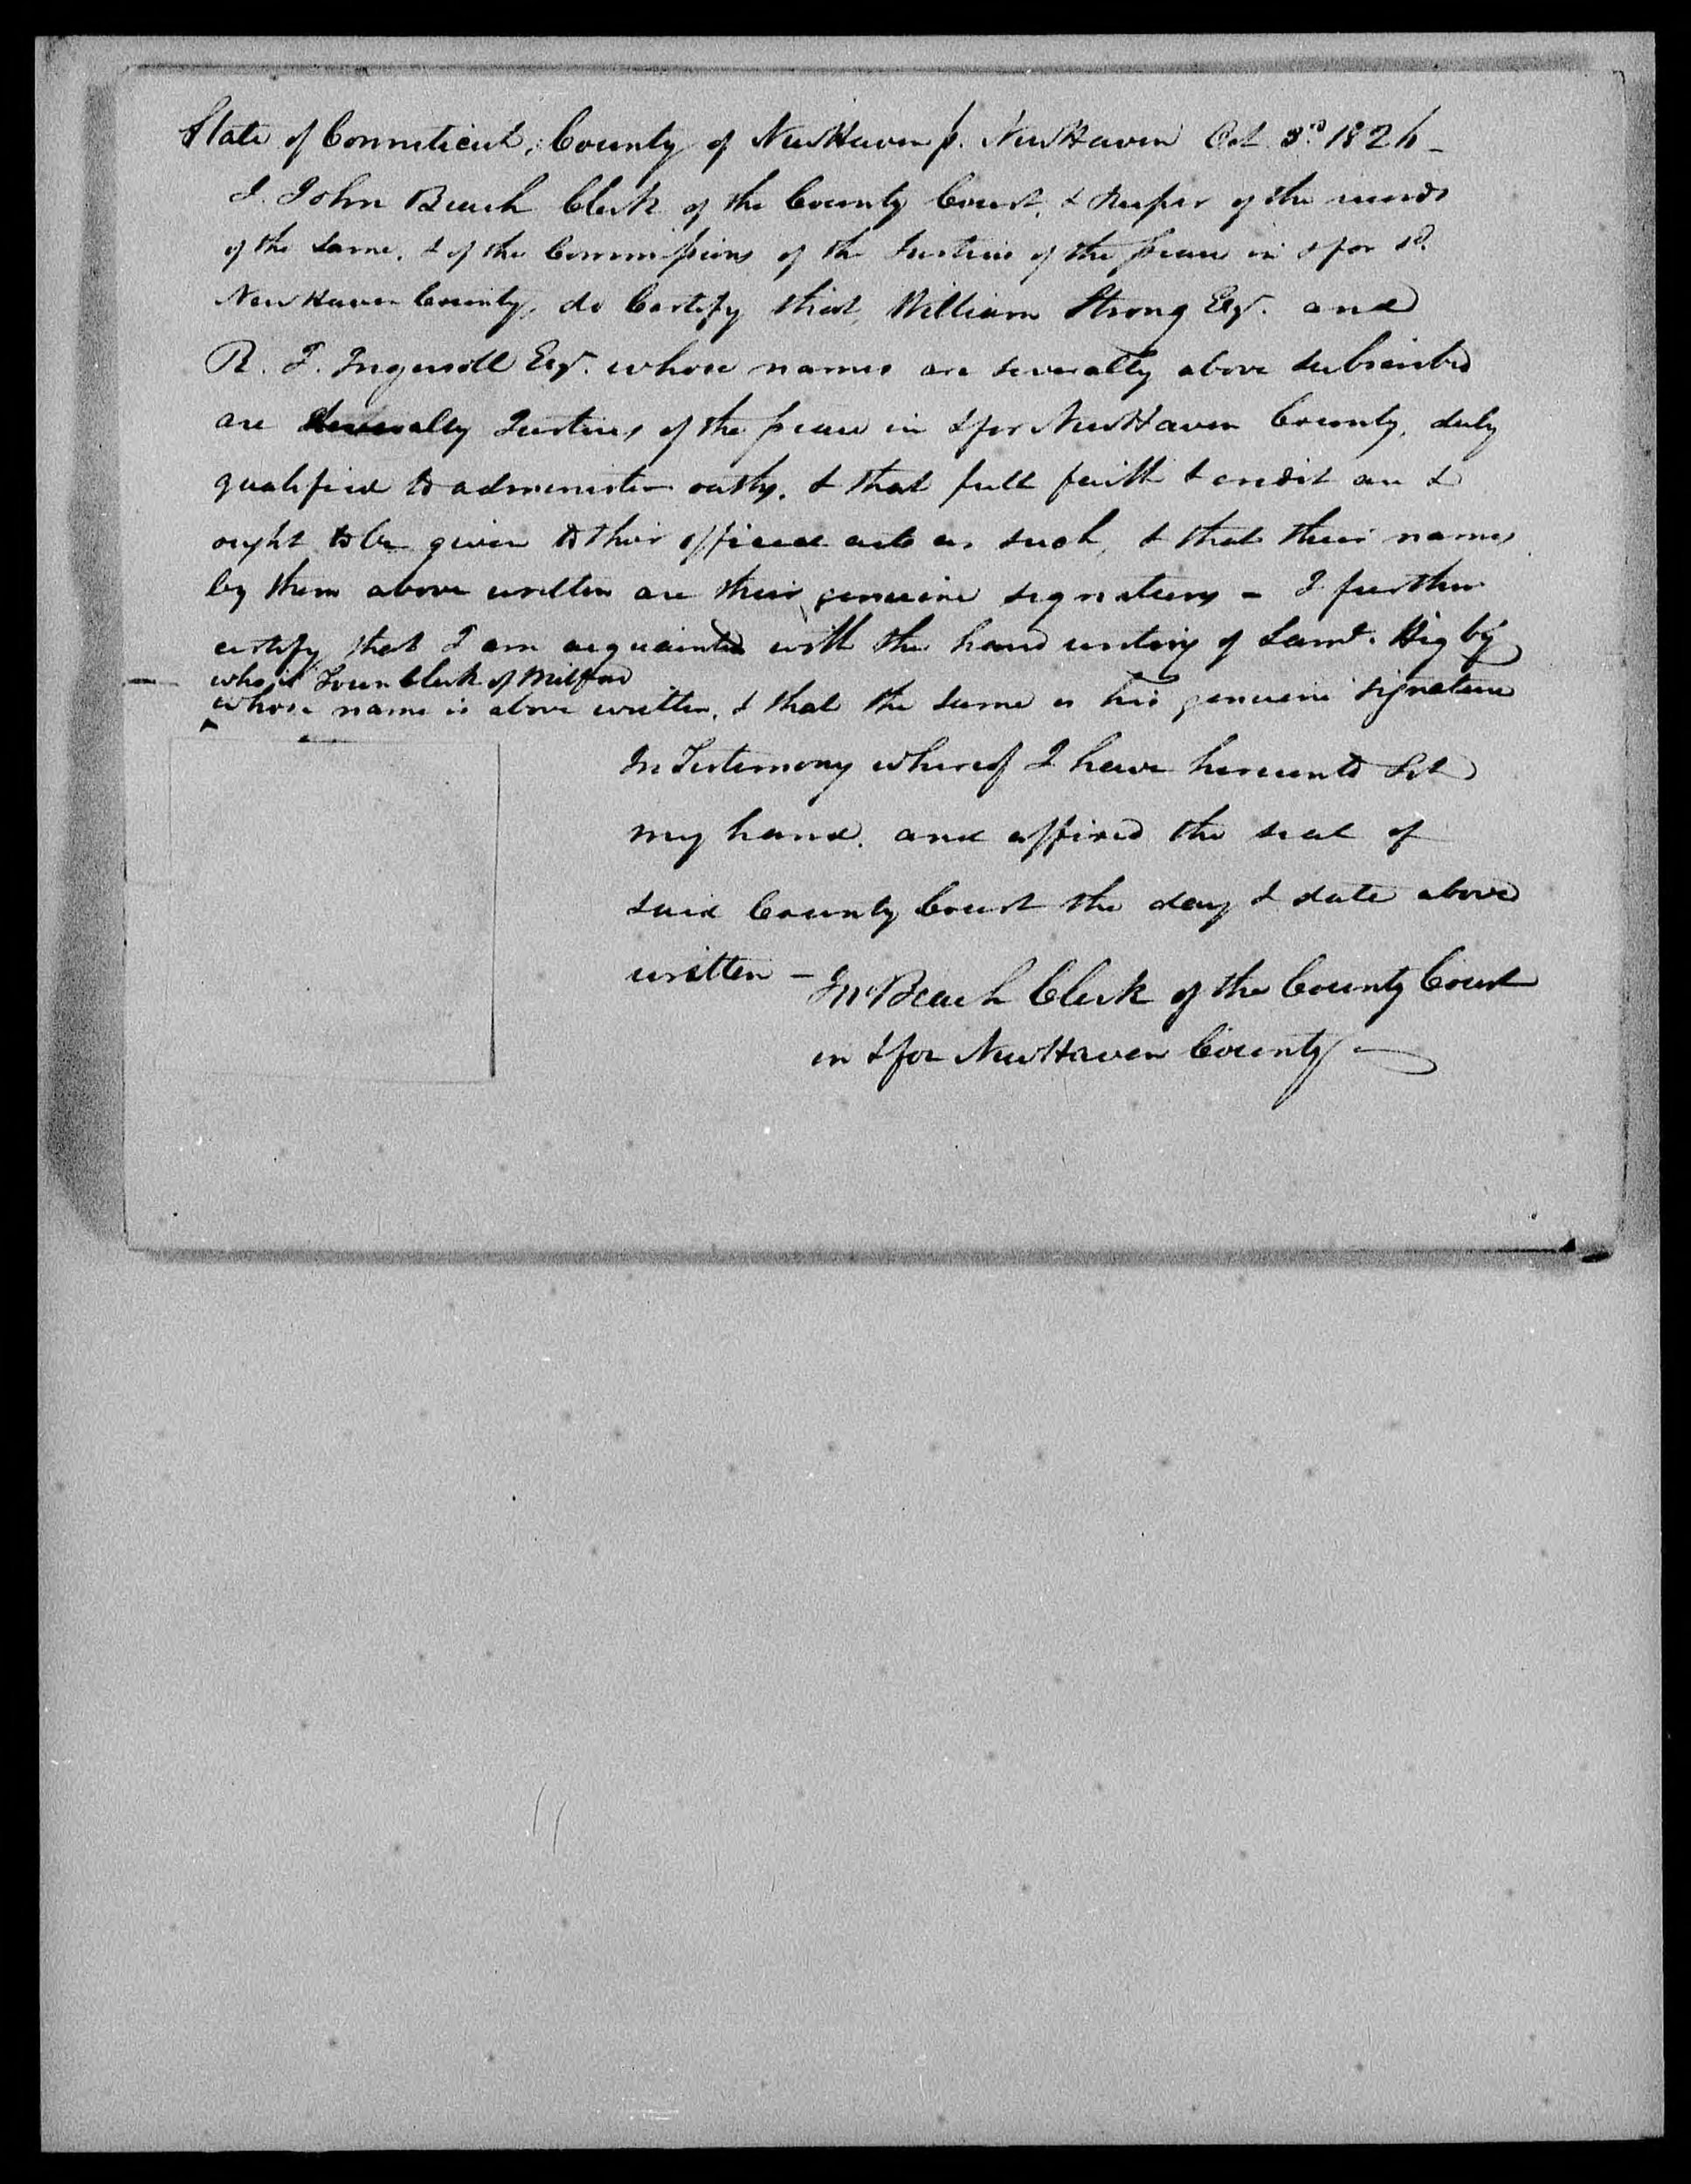State of Connecticut, County of New Haven} ss: New Haven Oct 3d 1826
I John Beach Clerk of the County Court & keeper of the records of the same, & of the Commissions of the Justices of the peace in & for said New Haven County, do certify that William Strong Esq and R.I. Ingersoll Esq whose names are severally above subscribed
are severally Justices of the peace in & for New Haven County, duly qualified to administer oaths & that full faith & credit are & ought to be given to their official acts as such, & that their names by them above written are their genuine signatures. I further certify that I am acquainted with the hand writing of Sam'l Higby, who is Town Clerk of Milford
whose name is above written & that the same is his genuine signature.
In Testimony whereof I have hereunto set
my hand and affixed the seal of said County Court the day & date above written. 
Jno Beach Clerk of the County Court
in & for New Haven County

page: 38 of 42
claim: survivor's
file: S. 36,819, for Samuel Stow, Connecticut